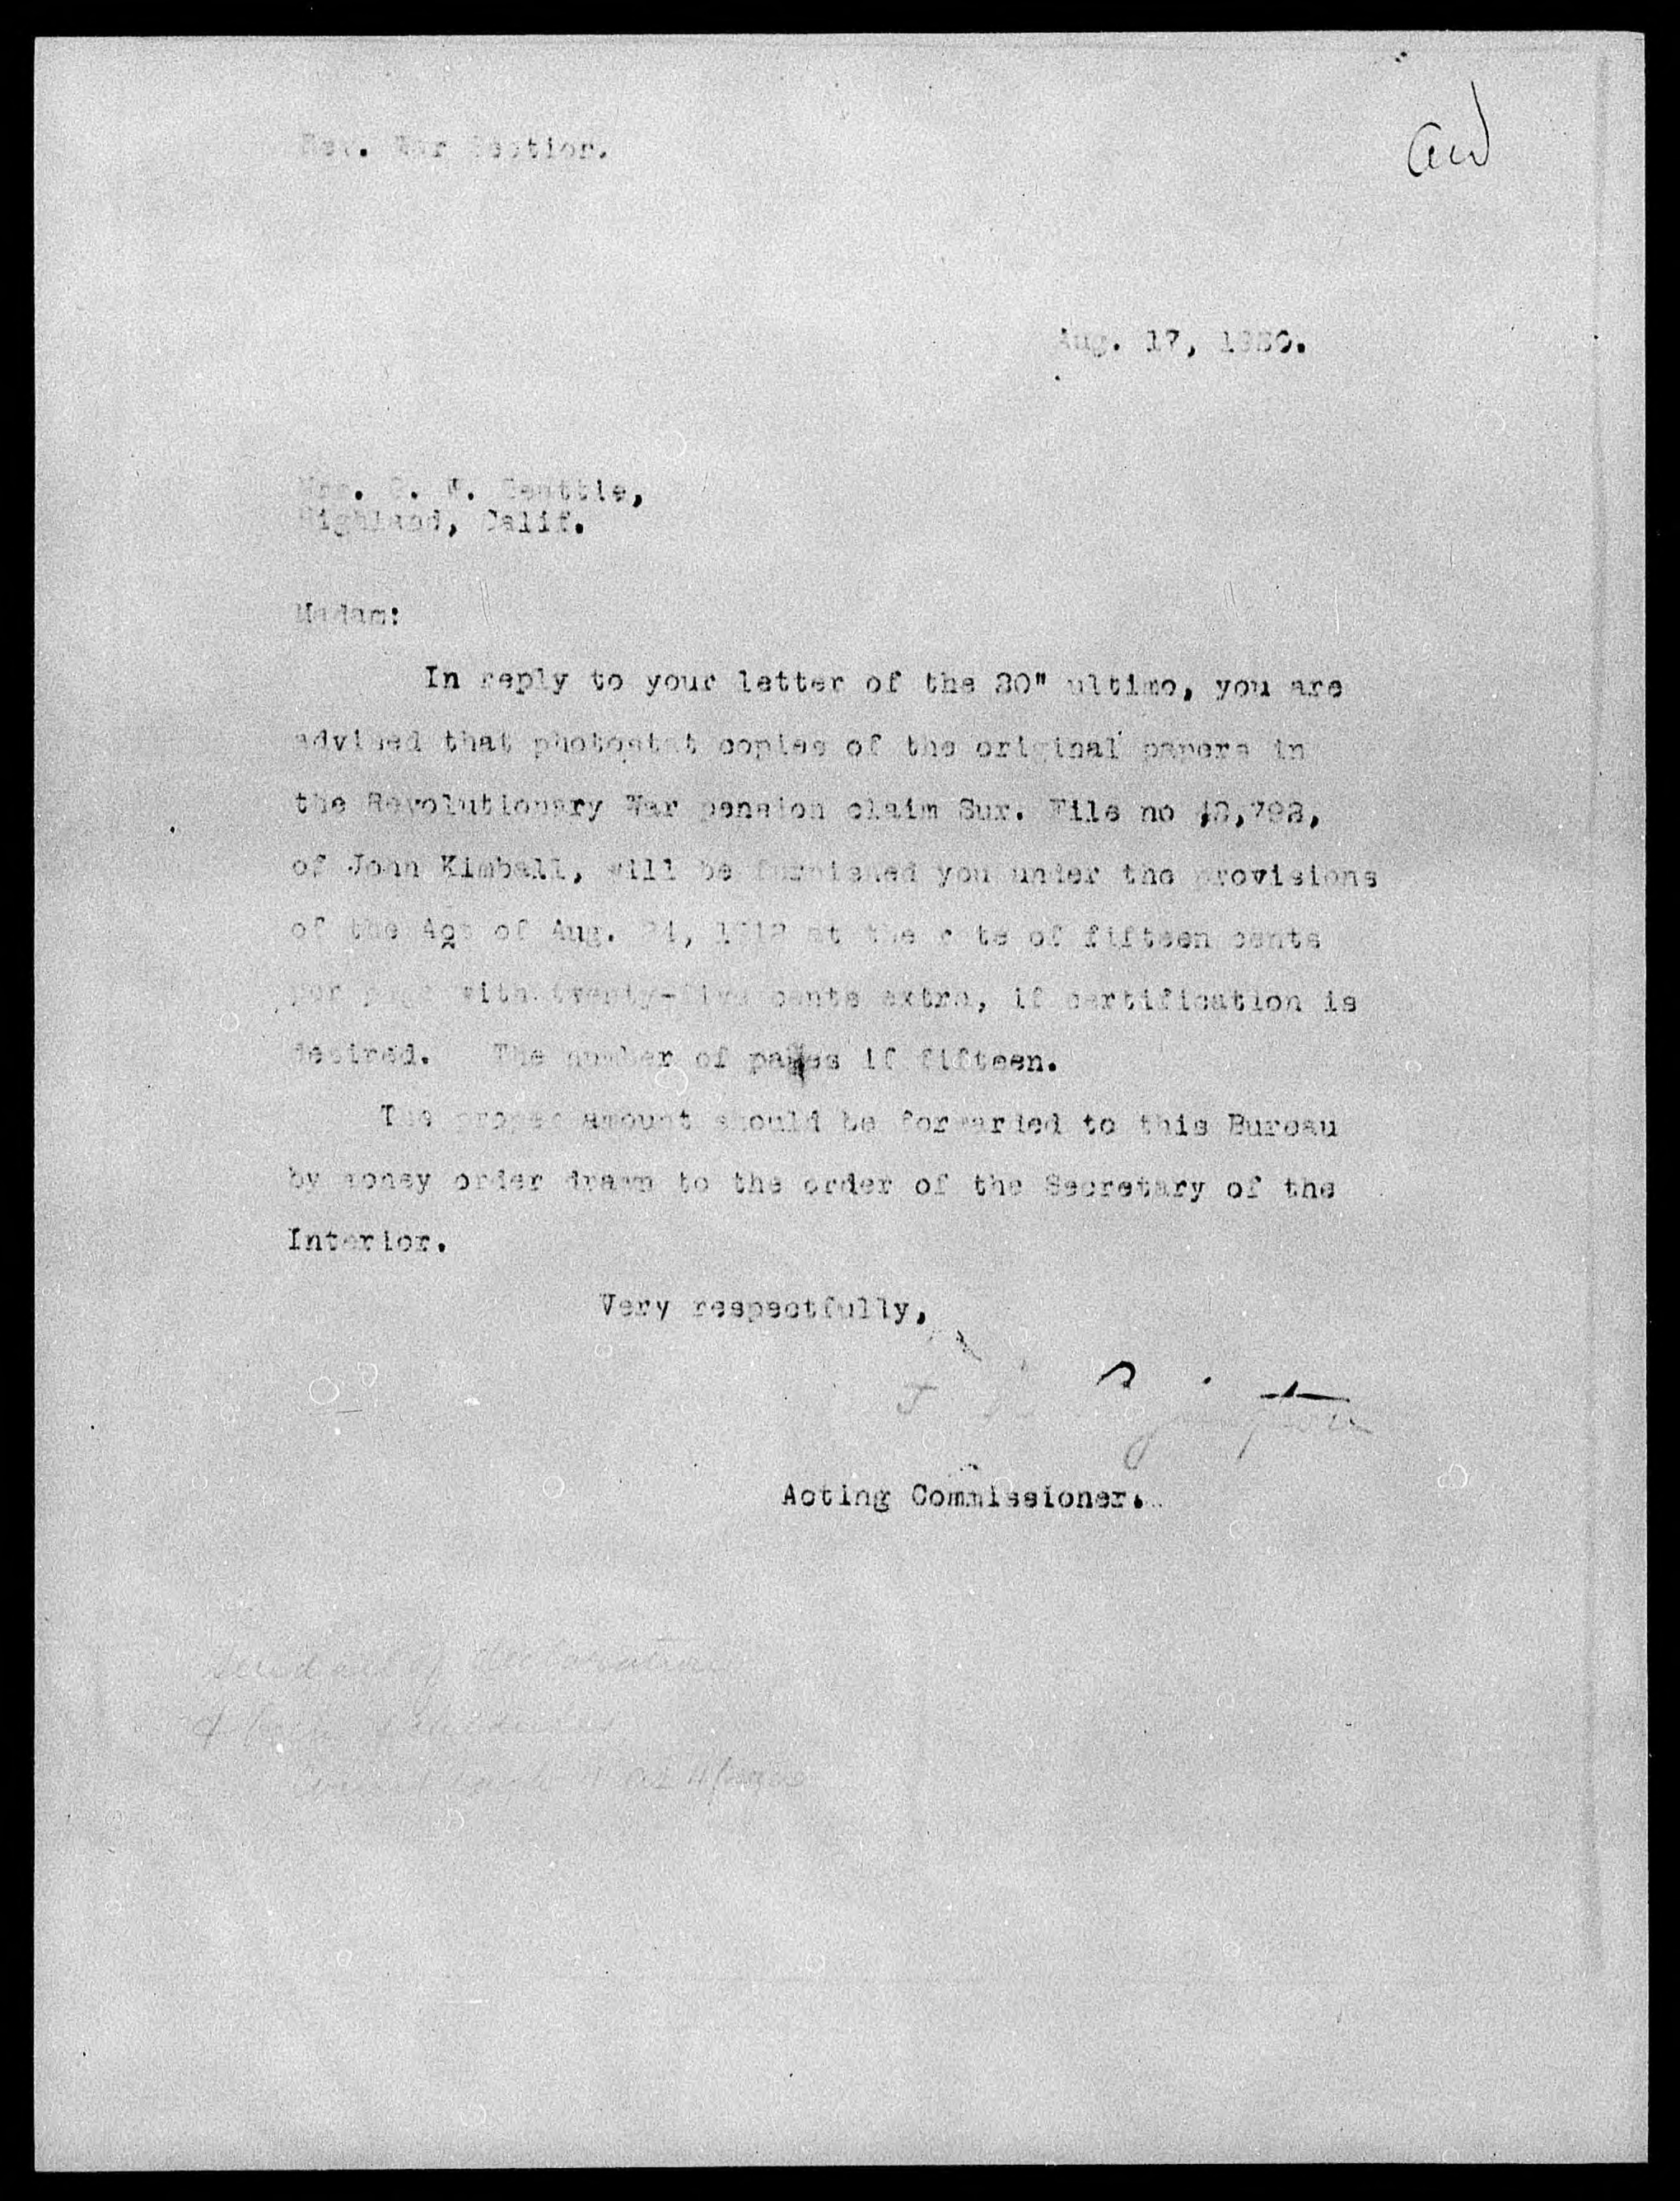Rev. War Section.

[initialed upper right corner] AW

Aug. 17, 1939.
Mrs. G. W. Beattie,
Highland, Calif.

Madam:
In reply to your letter of the 30" ultimo, you are advised that photostat copies of the original papers in the Revolutionary War pension claim Sur. File no 42.792, of John Kimball, will be furnished you under the provisions of the Act of Aug. 24, 1912 at the rate of fifteen cents per page with twenty-five cents extra, if certification is desired. The number of pages is fifteen.
The proper amount should be forwarded to this Bureau by money order drawn to the order of the Secretary of the Interior.
Very respectfully,
F. D. Caryington
Acting Commissioner.

Send all of declaration
& both schedules
count each as 1 page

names: F D Caryington; John Kimball; G W Beattie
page: 33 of 36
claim: survivor's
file: S. 42,792, for John Kimball, Connecticut